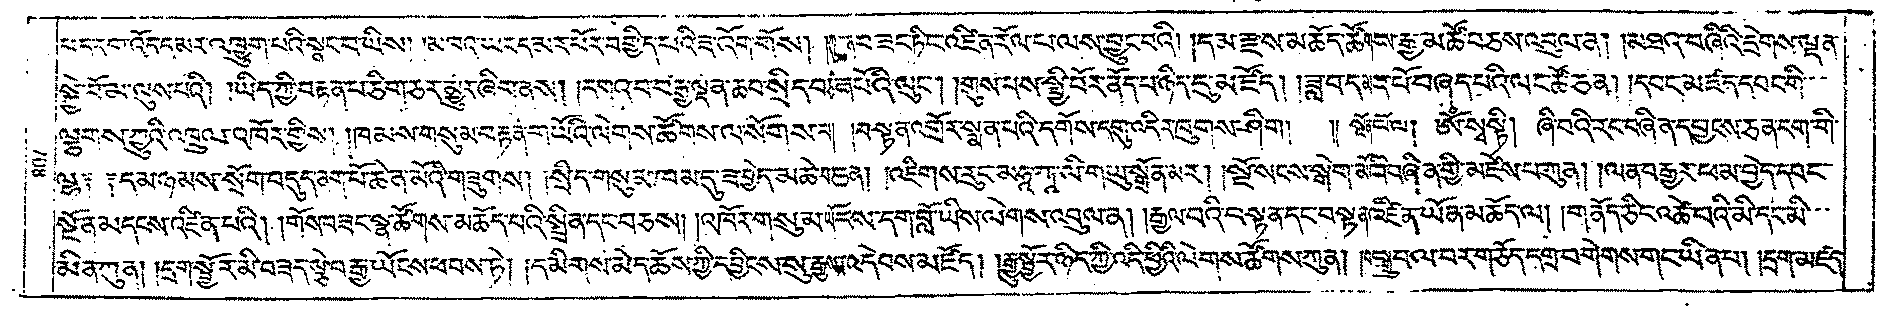པད་རག་འོད་དམར་འཁྱུག་པའི་སྣང་བ་ཡིས། །མཁའ་ཡང་དམར་པོར་བགྱིད་པའི་ཟ་འོག་གོས། །ཀུན་བཟང་ཏིང་འཛིན་རོལ་པ་ལས་བྱུང་བའི། །དམ་རྫས་མཆོད་ཚོགས་རྒྱ་མཚོ་བཅས་འབུལ་ན། །མཐའ་བཞིའི་དྲེགས་ལྡན་
སྐྱེ་བོ་མ་ལུས་པའི། །ཡིད་ཀྱི་བརྟན་པ་ཅིག་ཅར་མྱུར་ཞིག་ནས། །དགའ་བ་བརྒྱ་ལྡན་ཆབ་སྲིད་བཙན་པོའི་ལུང་། །གུས་པས་སྤྱི་བོར་ནོད་པ་ཉིད་དུ་མཛོད། །ཟླ་བ་དམར་པོ་བཞད་པའི་ལང་ཚོ་ཅན། །དབང་མཛད་དབང་གི་
ལྕགས་ཀྱུའི་འཁྲུལ་འཁོར་གྱིས། །ཁམས་གསུམ་བརྟན་གཡོའི་ལེགས་ཚོགས་ལ་སོགས་པ། །བསྟན་འགྲོར་སྨན་པའི་དགོས་དགུ་འདིར་ཁུགས་ཤིག ། །། སྔོན་པོ་ལ།  ཨོཾ་སྭ་སྟི། ཞི་བའི་རང་བཞིན་དབྱངས་ཅན་ངག་གི་
ལྷ༑ ༑དམ་ཉམས་སྲོག་བདུད་ནག་པོ་ཆེན་མོའི་གཟུགས། །སྲིད་གསུམ་ཁམ་དུ་ཟ་བྱེད་མཆེ་བ་ཅན། །འཇིགས་རུང་མཧཱ་ཀཱ་ལི་གཡུ་སྒྲོན་མར། །སྔོ་སངས་སྒེག་མོའི་བཞིན་གྱི་མཛེས་པ་ཀུན། །ལན་བརྒྱར་ཕམ་བྱེད་དབང་
སྔོན་མདངས་འཛིན་པའི། །གོས་བཟང་སྣ་ཚོགས་མཆོད་པའི་སྤྲིན་དང་བཅས། །འཁོར་གསུམ་ཡོངས་དག་བློ་ཡིས་ལེགས་འབུལ་ན། །རྒྱལ་བའི་བསྟན་དང་བསྟན་འཛིན་ཡོན་མཆོད་ལ། །གནོད་ཅིང་འཚེ་བའི་མི་དང་མི་
མིན་ཀུན། །དྲག་སྦྱོར་མི་བཟད་ལྕེ་བརྒྱ་ཡོངས་ཕབས་ཏེ། །དམིགས་མེད་ཆོས་ཀྱི་དབྱིངས་སུ་རྒྱས་འདེབས་མཛོད། །རྒྱུ་སྦྱོར་ཉིད་ཀྱི་འདི་ཕྱིའི་ལེགས་ཚོགས་ཀུན། །བསྒྲུབ་ལ་བར་གཅོད་དགྲ་བགེགས་གང་ཡིན་པ། །དྲག་མཛད་